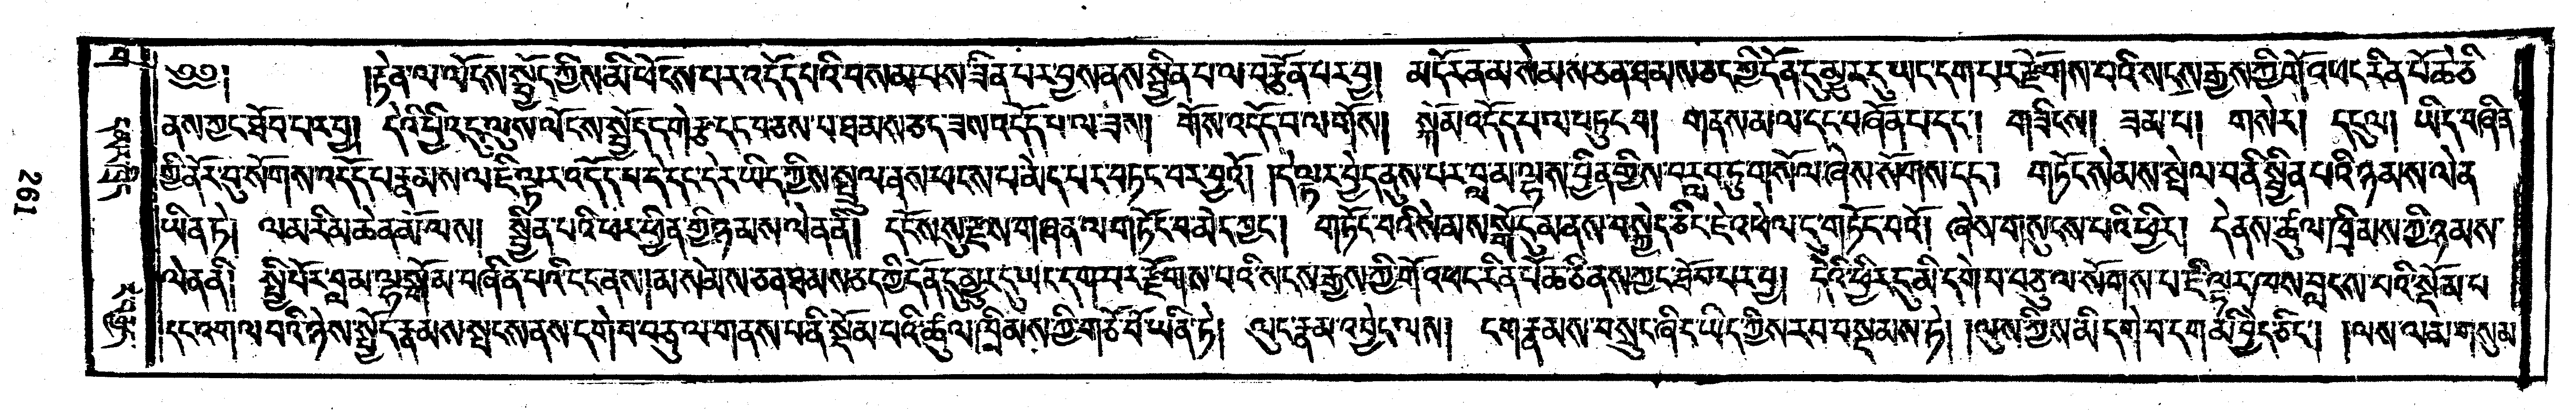༄༅། །རྟེན་ལ་ལོངས་སྤྱོད་ཀྱིས་མི་ཕོངས་པར་འདོད་པའི་བསམ་པས་ཟིན་པར་བྱས་ནས་སྦྱིན་པ་ལ་བརྩོན་པར་བྱ། མདོར་ན་མ་སེམས་ཅན་ཐམས་ཅད་ཀྱི་དོན་དུ་མྱུར་དུ་ཡང་དག་པར་རྫོགས་པའི་སངས་རྒྱས་ཀྱི་གོ་འཕང་རིན་པོ་ཆེ་ཅི་
ནས་ཀྱང་ཐོབ་པར་བྱ། དེའི་ཕྱི་འདུ་ལུས་ལོངས་སྤྱོད་དགེ་རྩ་དང་བཅས་པ་ཐམས་ཅད་ཟས་འདོད་པ་ལ་ཟས། གོས་འདོད་བ་ལ་གོས། སྐོམ་འདོད་པ་ལ་བཏུང་བ། གནས་མལ་དང་བཞོན་པ་དང་། གཟིངས། ཟམ་པ། གསེར། དངུལ། ཡིད་བཞིན་
གྱི་ནོར་བུ་སོགས་འདོད་པ་རྣམས་ལ་ཇི་ལྟར་འདོད་པ་དེ་དང་དེར་ཡིད་ཀྱིས་སྤྲུལ་ནས་ཕངས་པ་མེད་པར་བཏང་བར་བྱའོ། །དེ་ལྟར་བྱེད་ནུས་པར་བླ་མ་ལྷས་བྱིན་གྱིས་བརླབ་ཏུ་གསོལ་ཞེས་སོགས་དང་། གཏོང་སེམས་སྤེལ་བ་ནི་སྦྱིན་པའི་ཉམས་ལེན་
ཡིན་ཏེ། ལམ་རིམ་ཆེན་མོ་ལས། སྦྱིན་པའི་ཕར་ཕྱིན་གྱི་ཉམས་ལེན་ནི། དངོས་སུ་རྫས་གཞན་ལ་གཏོང་བ་མེད་ཀྱང་། གཏོང་བའི་སེམས་སྒོ་དུ་མ་ནས་བསྐྱེད་ཅིང་ཇེ་འཕེལ་དུ་གཏོང་བའོ། ཞེས་གསུངས་པའི་ཕྱིར། དེ་ནས་ཚུལ་ཁྲིམས་ཀྱི་ཉམས་
ལེན་ནི། སྤྱི་པོར་བླ་མ་ལྷ་སྒོམ་བཞིན་པའི་ངང་ནས། མ་སེམས་ཅན་ཐམས་ཅད་ཀྱི་དོན་དུ་མྱུར་དུ་ཡང་དག་བར་རྫོགས་པའི་སངས་རྒྱས་ཀྱི་གོ་འཕང་རིན་པོ་ཆ་ཅི་ནས་ཀྱང་ཐོབ་པར་བྱ། དེའི་ཕྱིར་དུ་མི་དགེ་བ་བཅུ་ལ་སོགས་པ་ཇི་ལྟར་ཁས་བླངས་པའི་སྡོམ་པ་
དང་འགལ་བའི་ཉེས་སྤྱོད་རྣམས་སྤངས་ནས་དགེ་བ་བཅུ་ལ་གནས་པ་ནི་སྡོམ་པའི་ཚུལ་ཁྲིམས་ཀྱི་གཙོ་བོ་ཡིན་ཏེ། ལུང་རྣམས་འབྱེད་ལས། ངག་རྣམས་བསྲུང་ཞིང་ཡིད་ཀྱིས་རབ་བསྡམས་ཏེ། །ལུས་ཀྱིས་མི་དགེ་བ་དག་མི་བྱེད་ཅིང་། །ལས་ལམ་གསུམ་